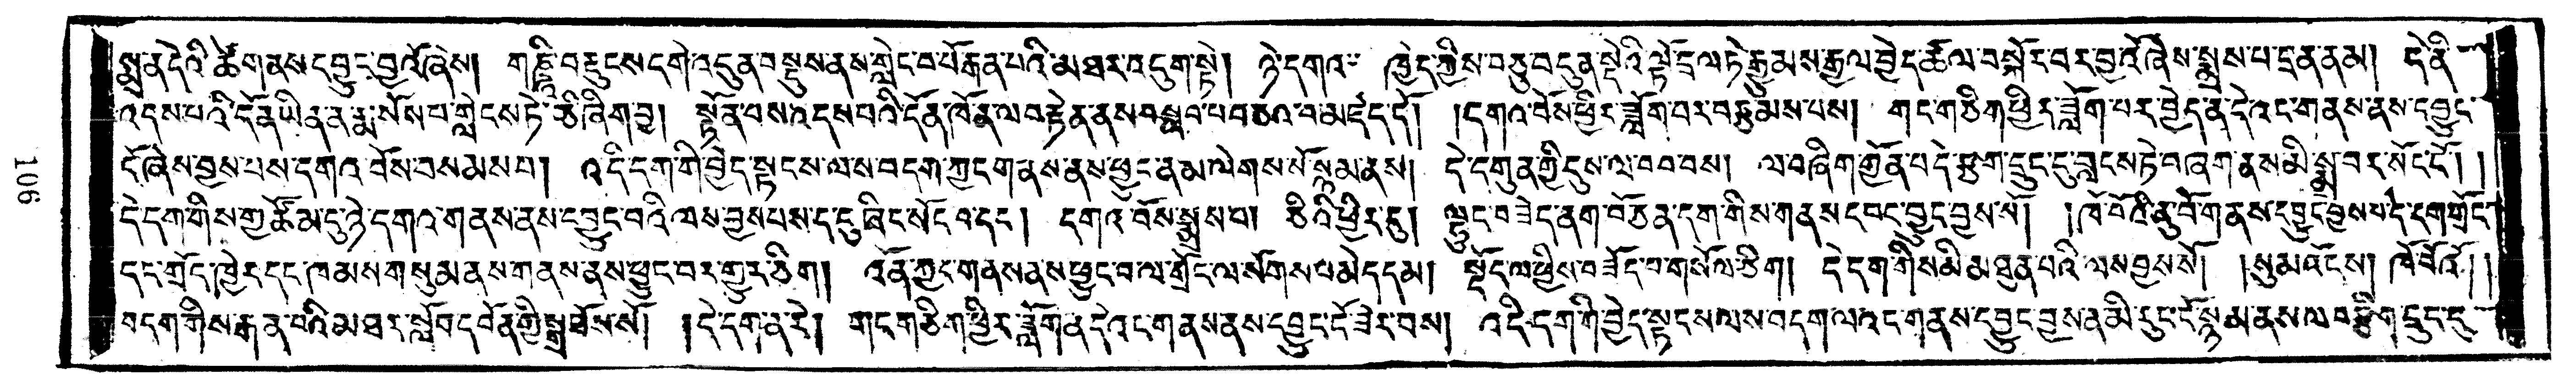སྨྲ་ན་དེའི་ཚེ་གནས་དབྱུང་བྱའོ་ཞེས། གཎྜའི་བརྡུངས་དགེ་འདུན་བསྡུས་ནས་གླེང་བ་པོ་རྒན་པའི་མཐར་འདུག་སྟེ། ཉེ་དགའ༑ ཁྱེད་ཀྱིས་བཅུ་བདུན་སྡེའི་ལྟོ་དྲལ་ཏེ་རྒྱུ་མས་རྒྱལ་བྱེད་ཚལ་བསྐོར་བར་བྱའོ་ཞེས་སྨྲས་པ་དྲན་ནམ། དེ་ནི་
འདས་པའི་དོན་ཡིན་ན་རྨ་སོས་པ་གླེངས་ཏེ་ཅི་ཞིག་བྱ། སྟོན་པས་འདས་པའི་དོན་ཁོ་ན་ལ་བརྟེན་ནས་བསླབ་པ་བཅའ་བ་མཛད་དོ། །དགའ་བོས་ཕྱིར་ཟློག་པར་བརྩམས་པས། གང་གཅིག་ཕྱིར་ཟློག་པར་བྱེད་ན་དེའང་གནས་ནས་དབྱུང་
དོ་ཞེས་བྱས་པས་དགའ་བོས་བསམས་པ། འདི་དག་གི་བྱེད་སྟངས་ལས་བདག་ཀྱང་གནས་ནས་ཕྱུང་ན་མ་ལེགས་སོ་སྙམ་ནས། དེ་དགུན་གྱི་དུས་ལ་བབ་བས། ལ་བཞིག་གྱོན་པ་དེ་རྩག་དྲུང་དུ་བླངས་ཏེ་བཞག་ནས་མི་སྨྲ་བར་སོང་ངོ། །
དེ་དག་གིས་གྱ་ཚོམ་དུ་ཉེ་དགའ་གནས་ནས་དབྱུང་བའི་ལས་བྱས་པས་ད་དུ་ཞིང་སོང་བ་དང་། དགའ་བོས་སྨྲས་པ། ཅིའི་ཕྱིར་དུ། ལྷུང་བཟེད་ནག་བོ་ཅན་དག་གིས་གནས་དབང་བྱུང་བྱས་སོ། །ཁོ་བོའི་ནུ་བོ་གནས་དབྱུང་བྱས་པ་དེ་དག་གྲོང་
དང་གྲོང་ཁྱེར་དང་ཁམས་གསུམ་ནས་གནས་ནས་ཕྱུང་བར་གྱུར་ཅིག། འོན་ཀྱང་གནས་ནས་ཕྱུང་བ་ལ་གྲོང་ལ་སོགས་པ་མེད་དམ། སྡོད་ལ་ཕྱིས་བཟོད་པ་གསོལ་ཅིག། དེ་དག་གིས་མི་མཐུན་པའི་ལས་བྱས་སོ། །སུམ་འོངས། ཁོ་བོའོ། །
བདག་གིས་རྒན་པའི་མཐར་སློབ་དཔོན་གྱི་སྒྲ་ཐོས་སོ། །དེ་དག་ན་རེ། གང་གཅིག་ཕྱིར་ཟློག་ན་དེའང་གནས་ནས་དབྱུང་ངོ་ཟེར་བས། འདི་དག་གི་བྱེད་སྟངས་ལས་བདག་ལའང་གནས་དབྱུང་བྱས་ན་མི་རུང་ངོ་སྙམ་ནས་ལ་བརྩིག་དྲུང་དུ་